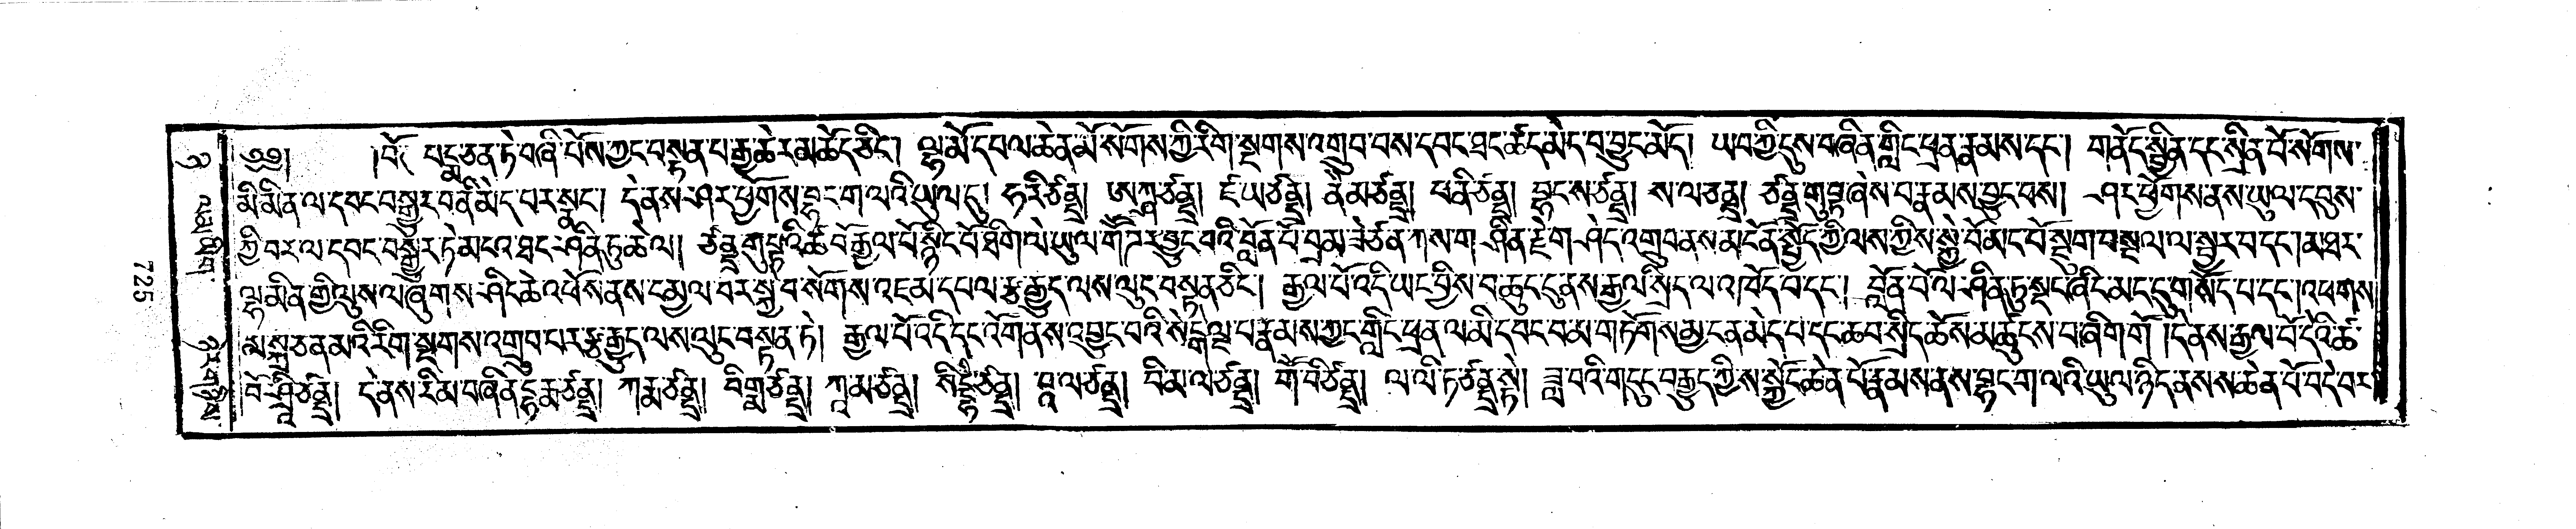༄༅། །བོ༑ པདམ་ཅན་ཏེ་བཞི་པོས་ཀྱང་བསྟན་པ་རྒྱ་ཆེར་མཆོད་ཅིང་། ལྷ་མོ་དཔལ་ཆེན་མོ་སོགས་ཀྱི་རིག་སྔགས་འགྲུབ་པས་དབང་ཐང་ཚད་མེད་བ་བྱུང་མོད། ཡབ་ཀྱི་དུས་བཞིན་གླིང་ཕྲན་རྣམས་དང་། གནོད་སྦྱིན་དང་སྲིན་པོ་སོགས་
མི་མིན་ལ་དབང་བསྒྱུར་བ་ནི་མེད་པར་སྣང་། དེ་ནས་ཤར་ཕྱོགས་བྷང་ག་ལའི་ཡུལ་དུ། ཧ་རི་ཙནྡྲ། ཨཀྴ་ཙནྡྲ། ཛ་ཡ་ཙནྡྲ། ནཻ་མ་ཙནྡྲ། པ་ནི་ཙནྡྲ། བྷང་ས་ཙནྡྲ། ས་ལ་ཙནྡྲ། ཙནྡྲ་གུབྷ་ཞེས་པ་རྣམས་བྱུང་བས། ཤར་ཕྱོགས་ནས་ཡུལ་དབུས་
ཀྱི་བར་ལ་དབང་བསྒྱུར་ཏེ་མངའ་ཐང་ཤིན་ཏུ་ཆེལ། ཙནྡྲ་གུཔྟའི་ཚ་བོ་རྒྱལ་པོ་སྙིང་པོ་ཐིག་ལེ་ཡུལ་གཽ་ཌར་བྱུང་བའི་བློན་པོ་བྲམ་ཟེ་ཙ་ན་ཀས་གཤིན་རྗེ་གཤེད་འགྲུབ་ནས་མངོན་སྤྱོད་ཀྱི་ལས་ཀྱིས་སྐྱེ་བོ་མང་པོ་སྡུག་བསྔལ་ལ་སྦྱར་བ་དང་། མཐར་
ལྷ་མིན་གྱི་ལུས་ལ་ཞུགས་ཤིང་ཆེ་འཕོས་ནས་དམྱལ་བར་སྐྱེ་བ་སོགས་འཇམ་དཔལ་རྩ་རྒྱུད་ལས་ལུང་བསྟན་ཅིང་། རྒྱལ་པོ་འདི་ཡང་བྱིས་བ་ཆུང་ངུ་ནས་རྒྱལ་སྲིད་ལ་འཁོད་བ་དང་། བློན་བོ་ལ་ཤིན་ཏུ་སྡང་ཞིང་མང་དུ་གསོད་པ་དང་། འཕགས་
མ་སྐྲ་ཅན་མའི་རིག་སྔགས་འགྲུབ་པར་རྩ་རྒྱུད་ལས་ལུང་བསྟན་ཏེ། རྒྱལ་པོ་འདི་དང་འོག་ནས་འབྱུང་བའི་སེངྒེ་ལྔ་པ་རྣམས་ཀྱང་གླིང་ཕྲན་ལ་མི་དབང་བ་མ་གཏོགས་མྱ་ངན་མེད་པ་དང་ཆབ་སྲིད་ཆོས་མཚུངས་བ་ཞིག་གོ །དེ་ནས་རྒྱལ་པོ་དེའི་ཚ་
བོ་ཤྲཱི་ཙནྡྲ། དེ་ནས་རིམ་བཞིན་དྷརྨ་ཙནྡྲ། ཀརྨ་ཙནྡྲ། བིགྨ་ཙནྡྲ། ཀཱ་མ་ཙནྡྲ། སིདྡྷི་ཙནྡྲ། བཱ་ལ་ཙནྡྲ། བི་མ་ལ་ཙནྡྲ། གཽ་བི་ཙནྡྲ། ལ་ལི་ཏ་ཙནྡྲ་སྟེ། ཟླ་བའི་གདུང་བརྒྱུད་ཀྱི་ས་སྐྱོང་ཆེན་པོ་རྣམས་ནས་བྷང་ག་ལའི་ཡུལ་ཉིད་ནས་ས་ཆེན་པོ་བདེ་བར་